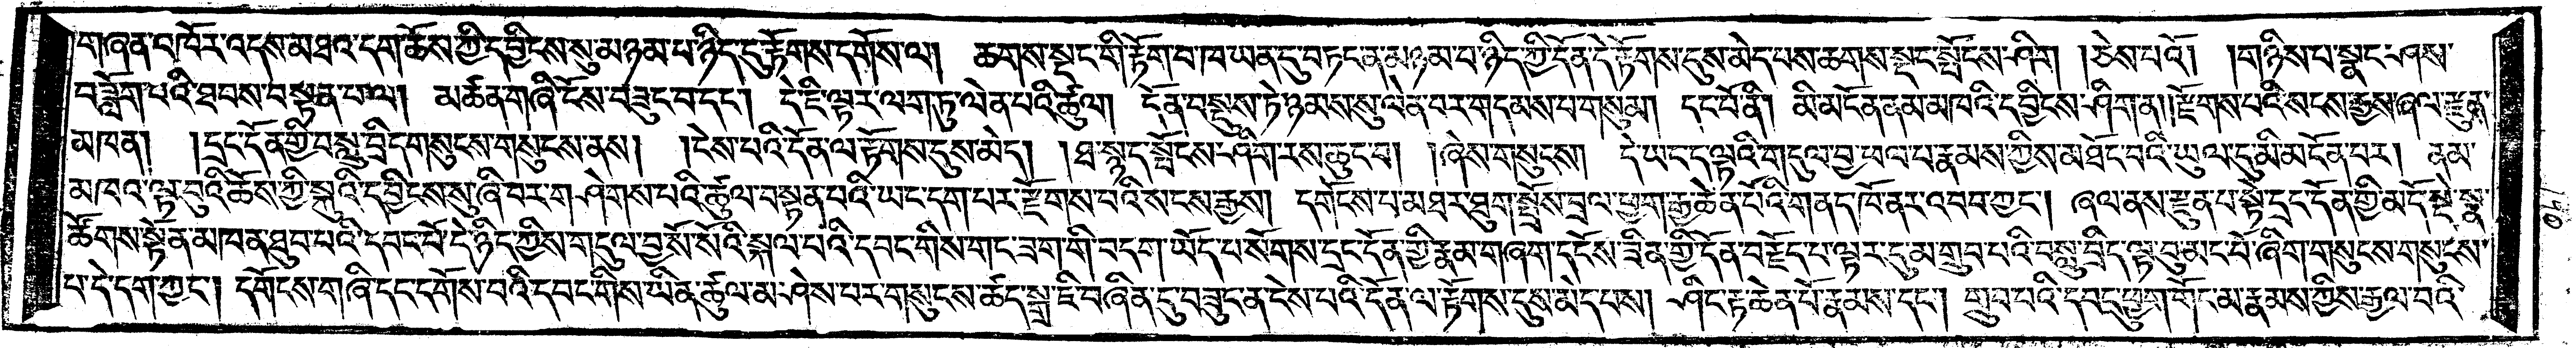གཞན་འཁོར་འདས་མཐའ་དག་ཆོས་ཀྱི་དབྱིངས་སུ་མཉམ་པ་ཉིད་དུ་རྟོགས་དགོས་ལ། ཆགས་སྡང་གི་རྟོག་པ་ཁ་ཡན་དུ་བཏང་ན་མཉམ་པ་ཉིད་ཀྱི་དོན་དེ་རྟོགས་དུས་མེད་པས་ཆགས་སྡང་སྤོངས་ཤིག །ཅེས་པའོ། །གཉིས་པ་སྣང་ཤས་
བཟློག་པའི་ཐབས་བསྟན་པ་ལ། མཚན་གཞི་ངོས་བཟུང་བ་དང་། དེ་ཇི་ལྟར་ལག་ཏུ་ལེན་པའི་ཚུལ། དོན་བསྡུས་ཏེ་ཉམས་སུ་ལེན་བར་གདམས་པ་གསུམ། དང་པོ་ནི། མི་མངོན་ནམ་མཁའི་དབྱིངས་ཤིག་ན། །རྫོགས་པའི་སངས་རྒྱས་ཞལ་རྫུ་ན་
མཁན། །དྲང་དོན་གྱི་བསླུ་བྲིད་གསུངས་གསུངས་ནས། །ངེས་པའི་དོན་ལ་རྟོགས་དུས་མེད། །ཐ་སྙད་སྤོངས་ཤིག་རས་ཆུང་བ། །ཞེས་གསུངས། དེ་ཡང་ད་ལྟའི་གདུལ་བྱ་ཕལ་པ་རྣམས་ཀྱིས་མཐོང་བའི་ཡུལ་དུ་མི་མངོན་པར། ནམ་
མཁའ་ལྟ་བུའི་ཆོས་ཀྱི་སྐུའི་དབྱིངས་སུ་ཞི་བར་གཤེགས་པའི་ཚུལ་བསྟན་པའི་ཡང་དག་པར་རྫོགས་པའི་སངས་རྒྱས། དགོངས་པ་མཐར་ཐུག་སྤྲོས་བྲལ་ཕྱག་རྒྱ་ཆེན་པོའི་གནད་ཁོ་ནར་འབབ་ཀྱང་། ཞལ་ནས་རྫུན་པ་སྟེ་དྲང་དོན་གྱི་མདོ་སྡེ་སྣ་
ཚོགས་སྟོན་མཁན་ཐུབ་པའི་དབང་པོ་དེ་ཉིད་ཀྱིས་གདུལ་བྱ་སོ་སོའི་སྐལ་པའི་དབང་གིས་གང་ཟག་གི་བདག་ཡོད་པ་སོགས་དྲང་དོན་གྱི་རྣམ་གཞག་དངོས་ཟིན་གྱི་དོན་བརྗོད་པ་ལྟར་དུ་མ་གྲུབ་པའི་བསླུ་བྲིད་ལྟ་བུ་མང་པོ་ཞིག་གསུངས་གསུངས་
པ་དེ་དག་ཀྱང་། དགོངས་གཞི་དང་དགོས་པའི་དབང་གིས་ཡིན་ཚུལ་མ་ཤེས་པར་གསུངས་ཚད་སྒྲ་ཇི་བཞིན་དུ་བཟུང་ན་ངེས་པའི་དོན་ལ་རྟོགས་དུས་མེད་པས། ཤིང་རྟ་ཆེན་པོ་རྣམས་དང་། གྲུབ་པའི་དབང་ཕྱུག་གོང་མ་རྣམས་ཀྱིས་རྒྱལ་བའི་